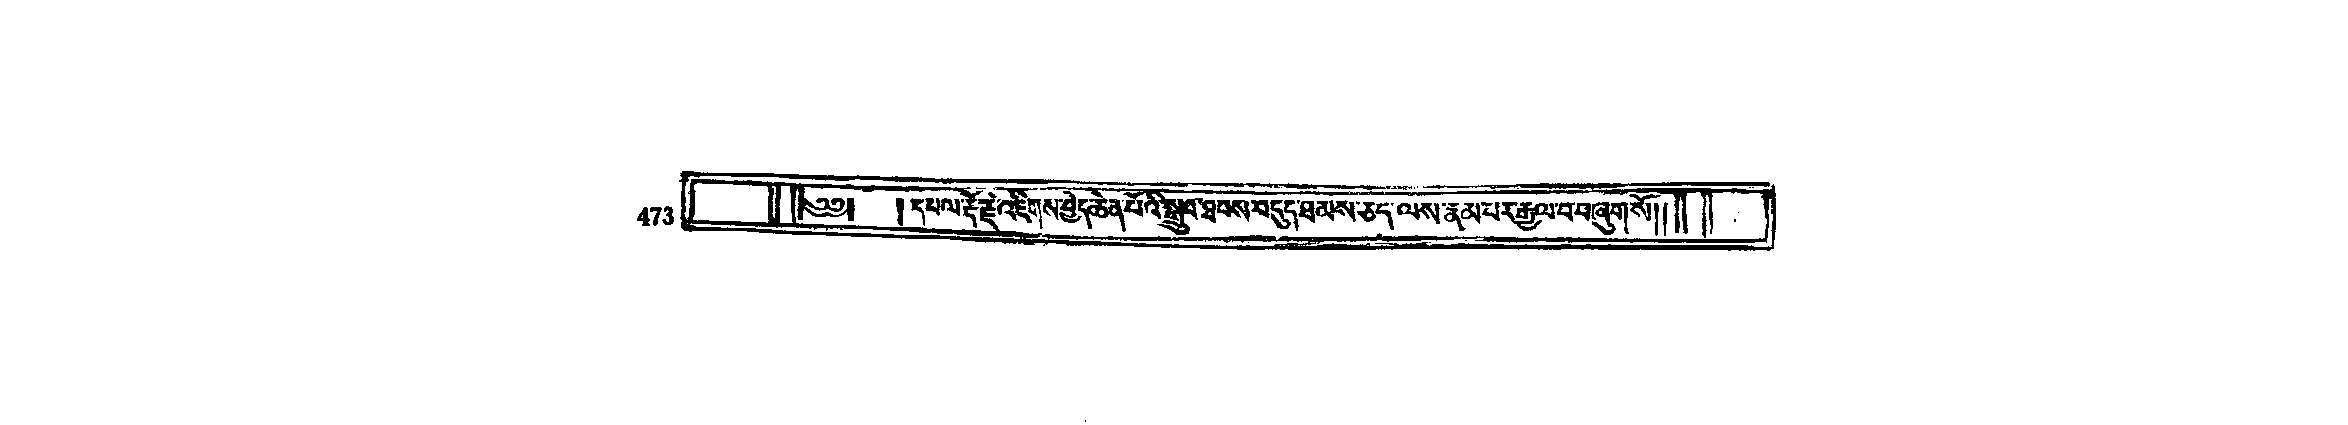༄༅། །དཔལ་རྡོ་རྗེ་འཇིགས་བྱེད་ཆེན་པོའི་སྒྲུབ་ཐབས་བདུད་ཐམས་ཅད་ལས་རྣམ་པར་རྒྱལ་བ་བཞུགས་སོ། །